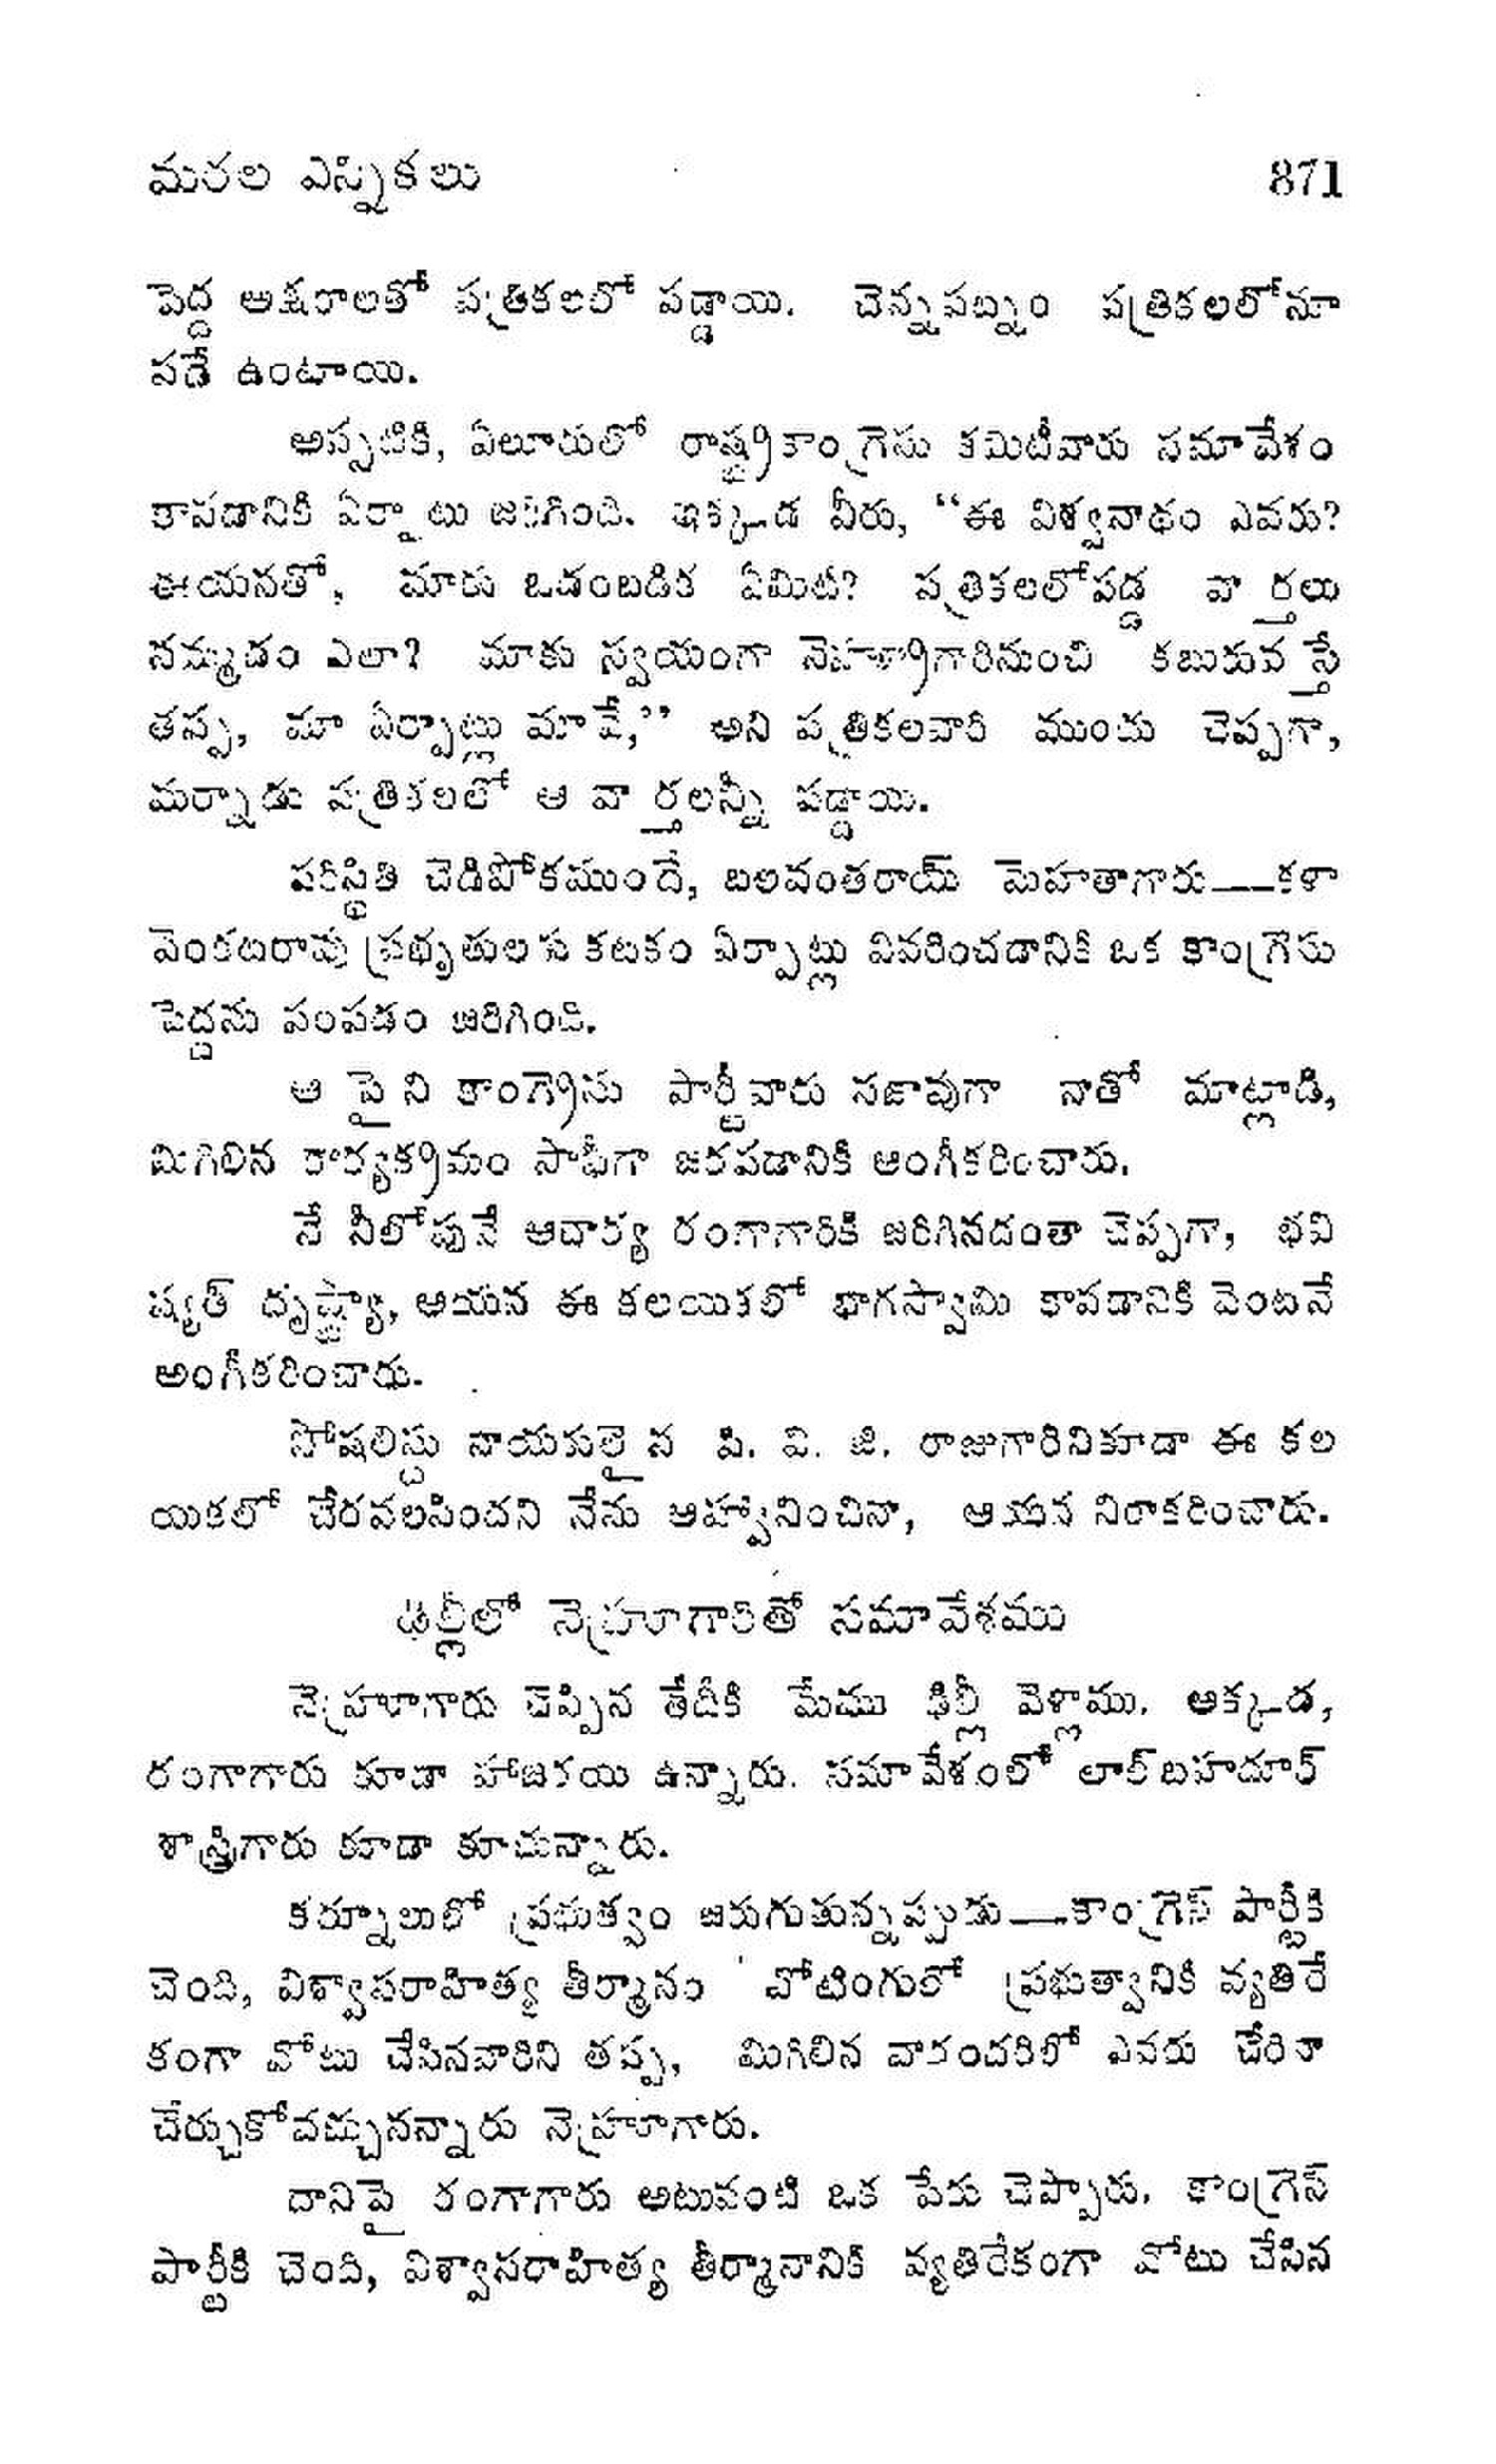పెద్ద అక్షరాలతో పత్రికలలో పడ్డాయి. చెన్నపట్నం పత్రికలలోనూ పడే ఉంటాయి.

అప్పటికి, ఏలూరులో రాష్ట్రకాంగ్రెసు కమిటీవారు సమావేశం కావడానికి ఏర్పాటు జరిగింది. ఇక్కడ వీరు, "ఈ విశ్వనాథం ఎవరు? ఈయనతో, మాకు ఒడంబడిక ఏమిటి? పత్రికలలోపడ్డ వార్తలు నమ్మడం ఎలా? మాకు స్వయంగా నెహ్రూగారినుంచి కబురువస్తే తప్ప, మా ఏర్పాట్లు మావే," అని పత్రికలవారి ముందు చెప్పగా, మర్నాడు పత్రికలలో ఆ వార్తలన్నీ పడ్డాయి.

పరిస్థితి చెడిపోకముందే, బలవంతరాయ్ మెహతాగారు - కళా వెంకటరావు ప్రభృతులకు కటకం ఏర్పాట్లు వివరించడానికి ఒక కాంగ్రెసు పెద్దను పంపడం జరిగింది.

ఆ పైని కాంగ్రెసు పార్టీవారు సజావుగా నాతో మాట్లాడి, మిగిలిన కార్యక్రమం సాఫీగా జరపడానికి అంగీకరించారు.

నే నీలోపునే ఆచార్య రంగాగారికి జరిగినదంతా చెప్పగా, భవిష్యత్ దృష్ట్యా, ఆయన ఈ కలయికలో భాగస్వామి కావడానికి వెంటనే అంగీకరించారు.

సోషలిస్టు నాయకులైన పి. వి. జి. రాజుగారినికూడా ఈ కలయికలో చేరవలసిందని నేను ఆహ్వానించినా, ఆయన నిరాకరించారు.

నెహ్రూగారు చెప్పిన తేదీకి మేము ఢిల్లీ వెళ్లాము. అక్కడ, రంగాగారు కూడా హాజరయి ఉన్నారు. సమావేశంలో లాల్‌బహదూర్ శాస్త్రిగారు కూడా కూచున్నారు.

కర్నూలులో ప్రభుత్వం జరుగుతున్నప్పుడు - కాంగ్రెస్ పార్టీకి చెంది, విశ్వాసరాహిత్య తీర్మానం వోటింగులో ప్రభుత్వానికి వ్యతిరేకంగా వోటు చేసినవారిని తప్ప, మిగిలిన వారందరిలో ఎవరు చేరినా చేర్చుకోవచ్చునన్నారు నెహ్రూగారు.

దానిపై రంగాగారు అటువంటి ఒక పేరు చెప్పారు. కాంగ్రెస్ పార్టీకి చెంది, విశ్వాసరాహిత్య తీర్మానానికి వ్యతిరేకంగా వోటు చేసిన